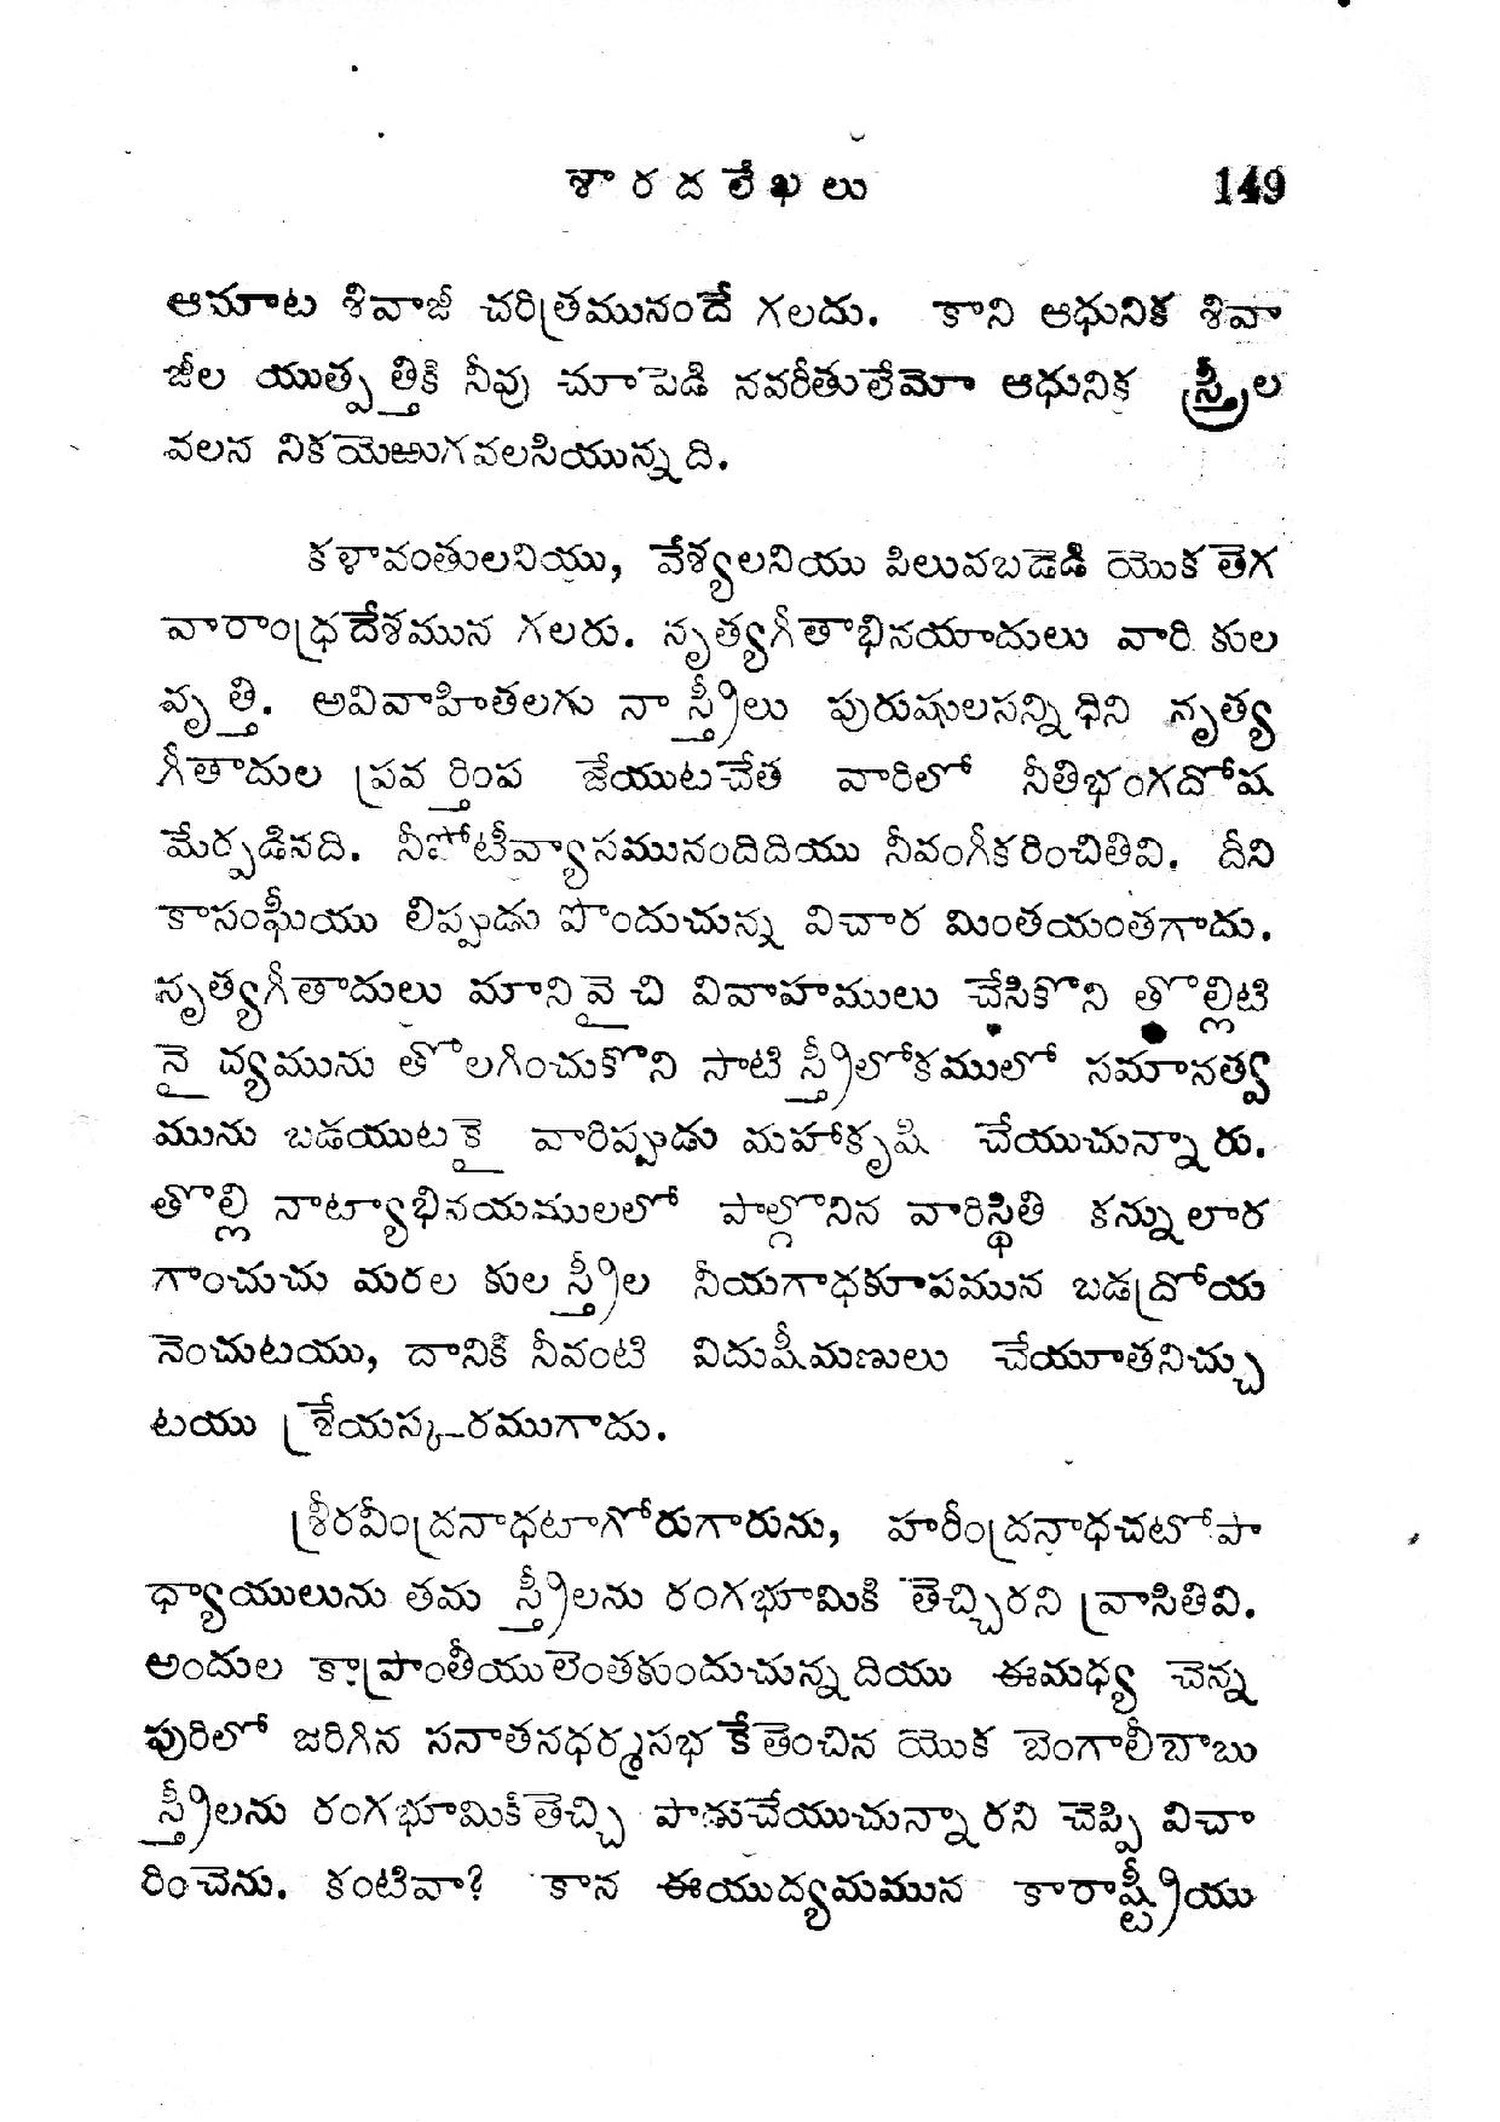ఆమాట శివాజీ చరిత్రమునందే గలదు. కాని ఆధునిక శివాజీల యుత్పత్తికి నీవు చూపెడి నవరీతులేమో ఆధునిక స్త్రీల వలన నికయెఱుగవలసియున్నది.

కళావంతులనియు, వేశ్యలనియు పిలువబడెడి యొకతెగ వారాంధ్రదేశమున గలరు. నృత్యగీతాభినయాదులు వారి కులవృత్తి. అవివాహితలగు నాస్త్రీలు పురుషులసన్నిధిని నృత్యగీతాదుల ప్రవర్తింప జేయుటచేత వారిలో నీతిభంగదోష మేర్పడినది. నీపోటీవ్యాసమునందిదియు నీవంగీకరించితివి. దీనికాసంఘీయు లిప్పుడు పొందుచున్న విచార మింతయంతగాదు. నృత్యగీతాదులు మానివైచి వివాహములు చేసికొని తొల్లిటి నైచ్యమును తొలగించుకొని సాటిస్త్రీలోకములో సమానత్వమును బడయుటకై వారిప్పుడు మహాకృషి చేయుచున్నారు. తొల్లి నాట్యాభినయములలో పాల్గొనిన వారిస్థితి కన్నులార గాంచుచు మరల కులస్త్రీల నీయగాధకూపమున బడద్రోయ నెంచుటయు, దానికి నీవంటి విదుషీమణులు చేయూతనిచ్చుటయు శ్రేయస్కరముగాదు.

శ్రీరవీంద్రనాధటాగోరుగారును, హరీంద్రనాధచటోపాధ్యాయులును తమ స్త్రీలను రంగభూమికి తెచ్చిరని వ్రాసితివి. అందుల కాప్రాంతీయులెంతకుందుచున్నదియు ఈమధ్య చెన్నపురిలో జరిగిన సనాతనధర్మసభ కేతెంచిన యొక బెంగాలీబాబు స్త్రీలను రంగభూమికితెచ్చి పాడుచేయుచున్నారని చెప్పి విచారించెను. కంటివా? కాన ఈయుద్యమమున కారాష్ట్రీయు